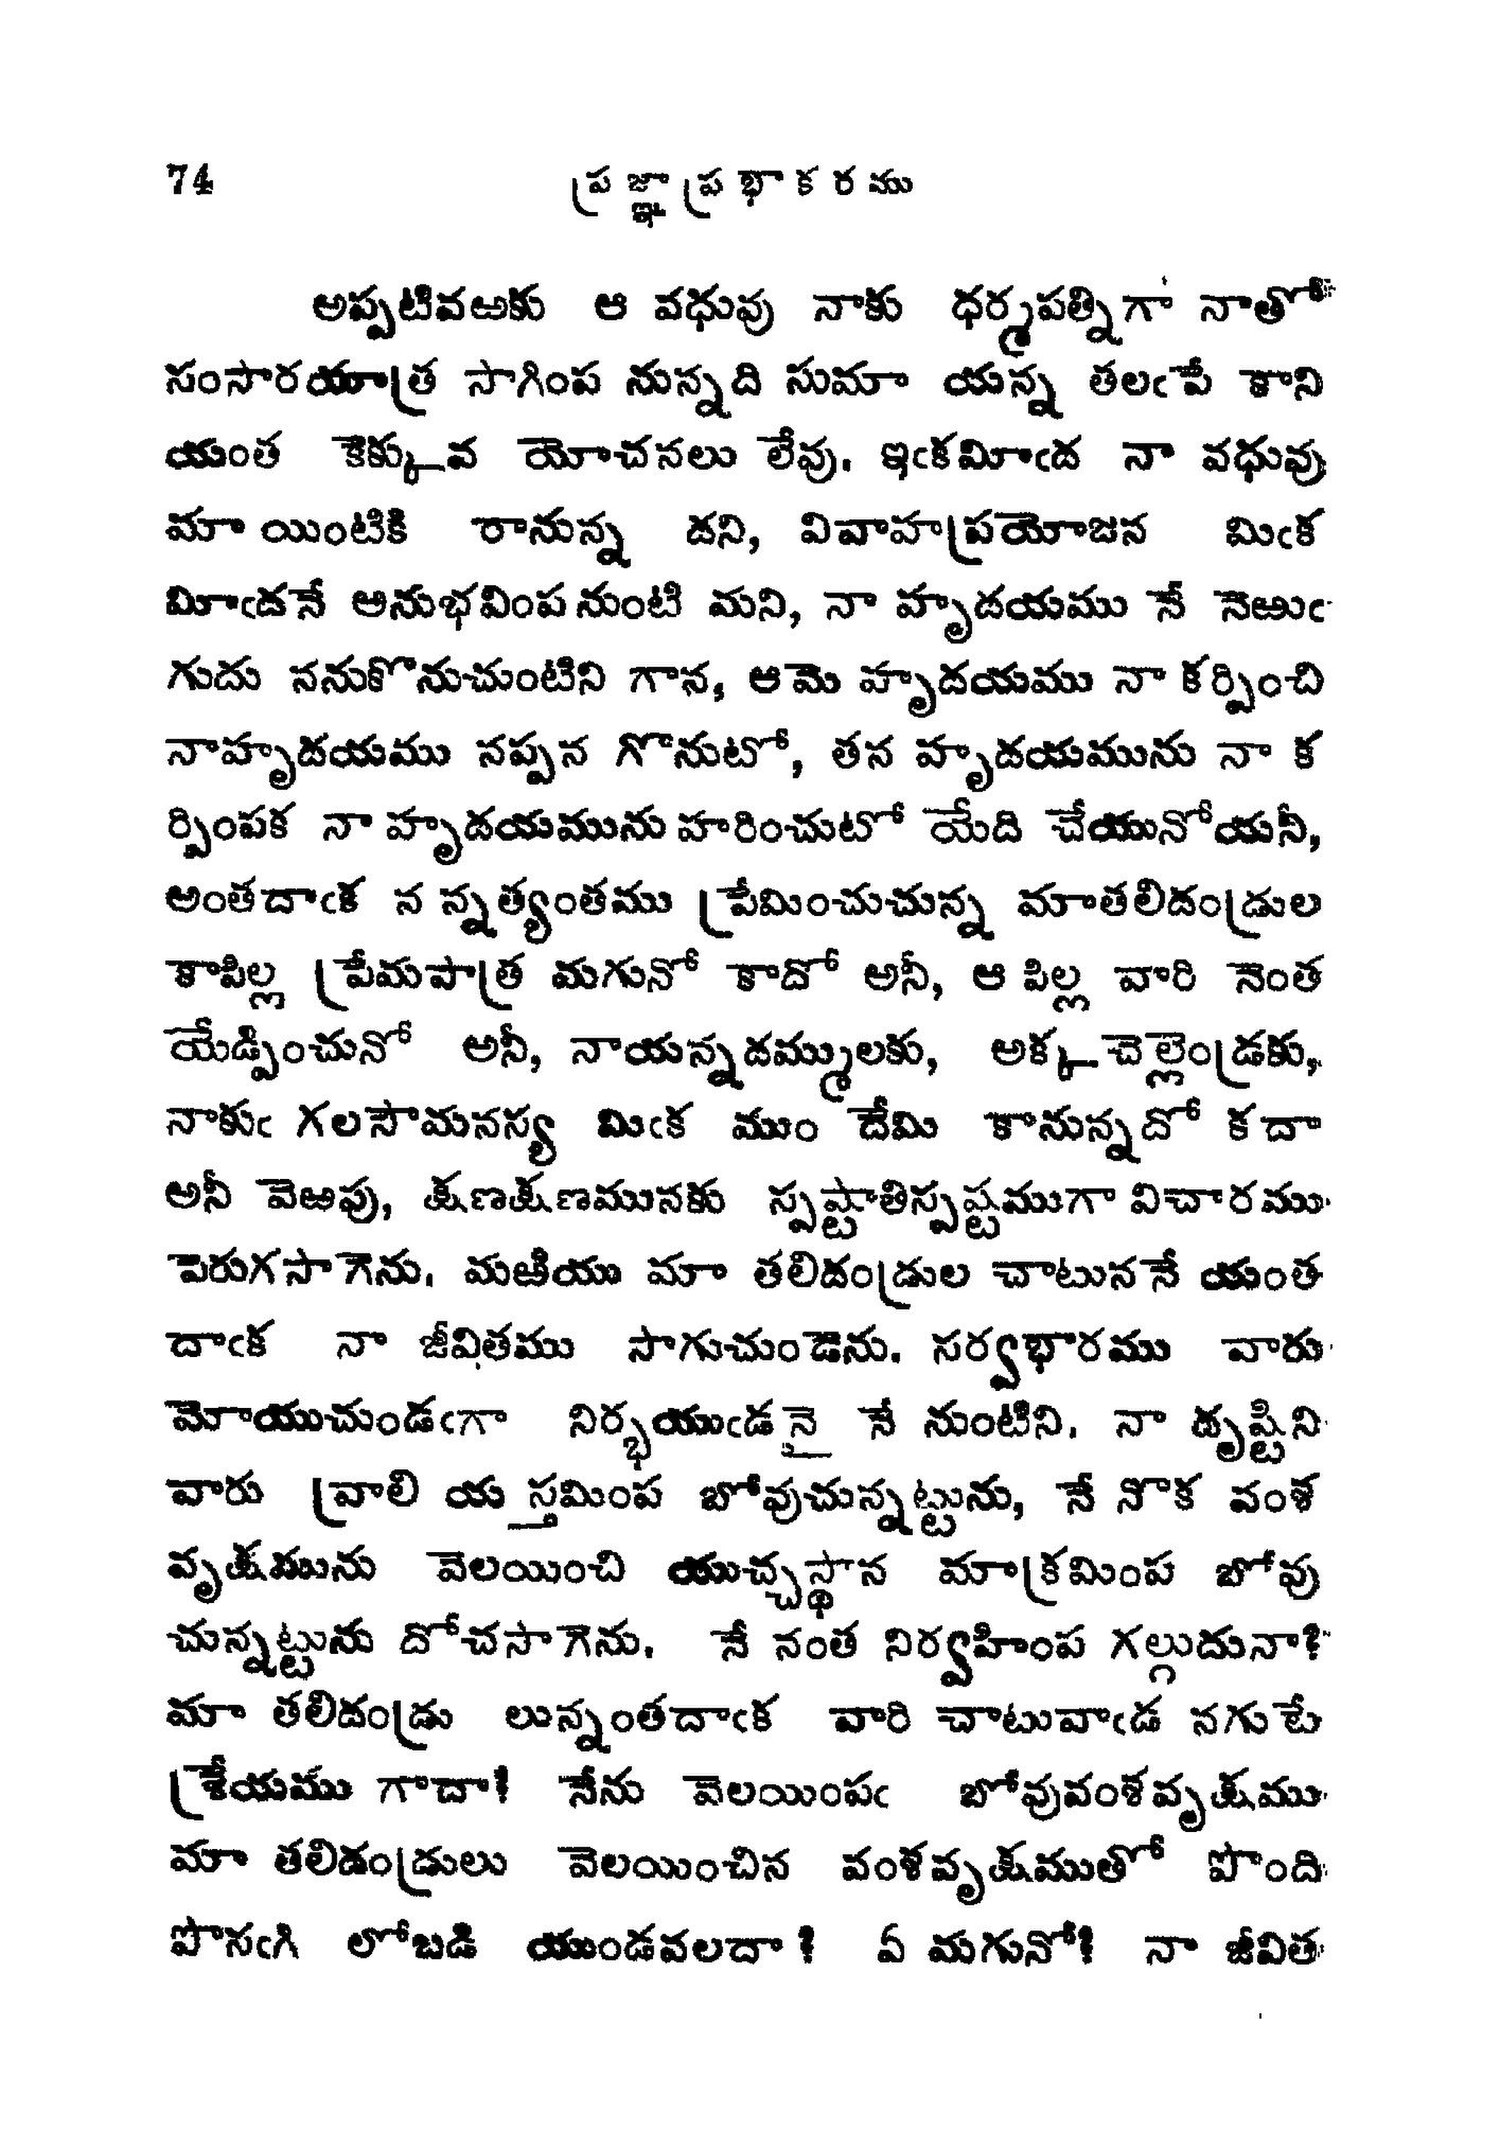అప్పటివఱకు ఆ వధువు నాకు ధర్మ పత్నిగా నాతో సంసారయాత్ర సాగింప నున్నది సుమా యన్న తలఁపే కాని యంత కెక్కువ యోచనలు లేవు. ఇఁకమిఁద నా వధువు మా యింటికి రానున్న దని, వివాహ ప్రయోజన మిఁక మీదనే అనుభవింప నంటిమని, నాహృదయము నే నెఱుఁ గుదు ననుకొనుచుంటిని గాన ,ఆమె హృదయము నాకర్పించి నా హృదయమున నప్పన గొనుటో, తన హృదయమును నా కర్పింపక నాహృదయమును హరించుటో యేదిచేయునోయనీ, అంత దాఁక నన్నత్యంతము ప్రేమించుచున్న మా తలిదండ్రుల కాపిల్ల ప్రేమ పాత్ర మగునో కాదో అనీ, ఆ పిల్ల వారి నెంత యేడ్పించునో అనీ, నా యన్నదమ్ములకు, అక్క చెల్లెండ్రుకు, నాకుఁగాల సౌమన స్య మిఁక ముందేమి కానున్నదో కదా అనీ వెఱపు. క్షణక్షణమునకు స్పష్టాతి స్పష్టముగా విచారము పెరుగ సాగెను. మఱియు మా తలిదండ్రుల చాటుననే యంతదాఁక నా జీవితము సాగుచుండెను. సర్వభారము వారు మోయుచుండఁగా నిర్భయుఁడనై నే నుంటిని. నా దృష్టిని వారు వ్రాలి య స్తమింపబోవుచున్నట్టును, నే నొక వంశవృక్షమును వెలయించి యుచ్చస్థాన మాక్రమింప బోవు చున్నట్టును దోచ సాగెను. నే నంత నిర్వహింప గల్గుదునా? మా తలిదండ్రులు న్నంత దాఁ క వారి చాటువాఁడ నగుటే శ్రేయము గాదా? నేను వెలయింపఁ బోవు వంశవృక్షముతో మా తలిదండ్రులు వేలయించిన వంశవృక్షముతో పొంది పోసఁగి లోబడి యుండ వలదా? ఏమగునో? నా జీవిత